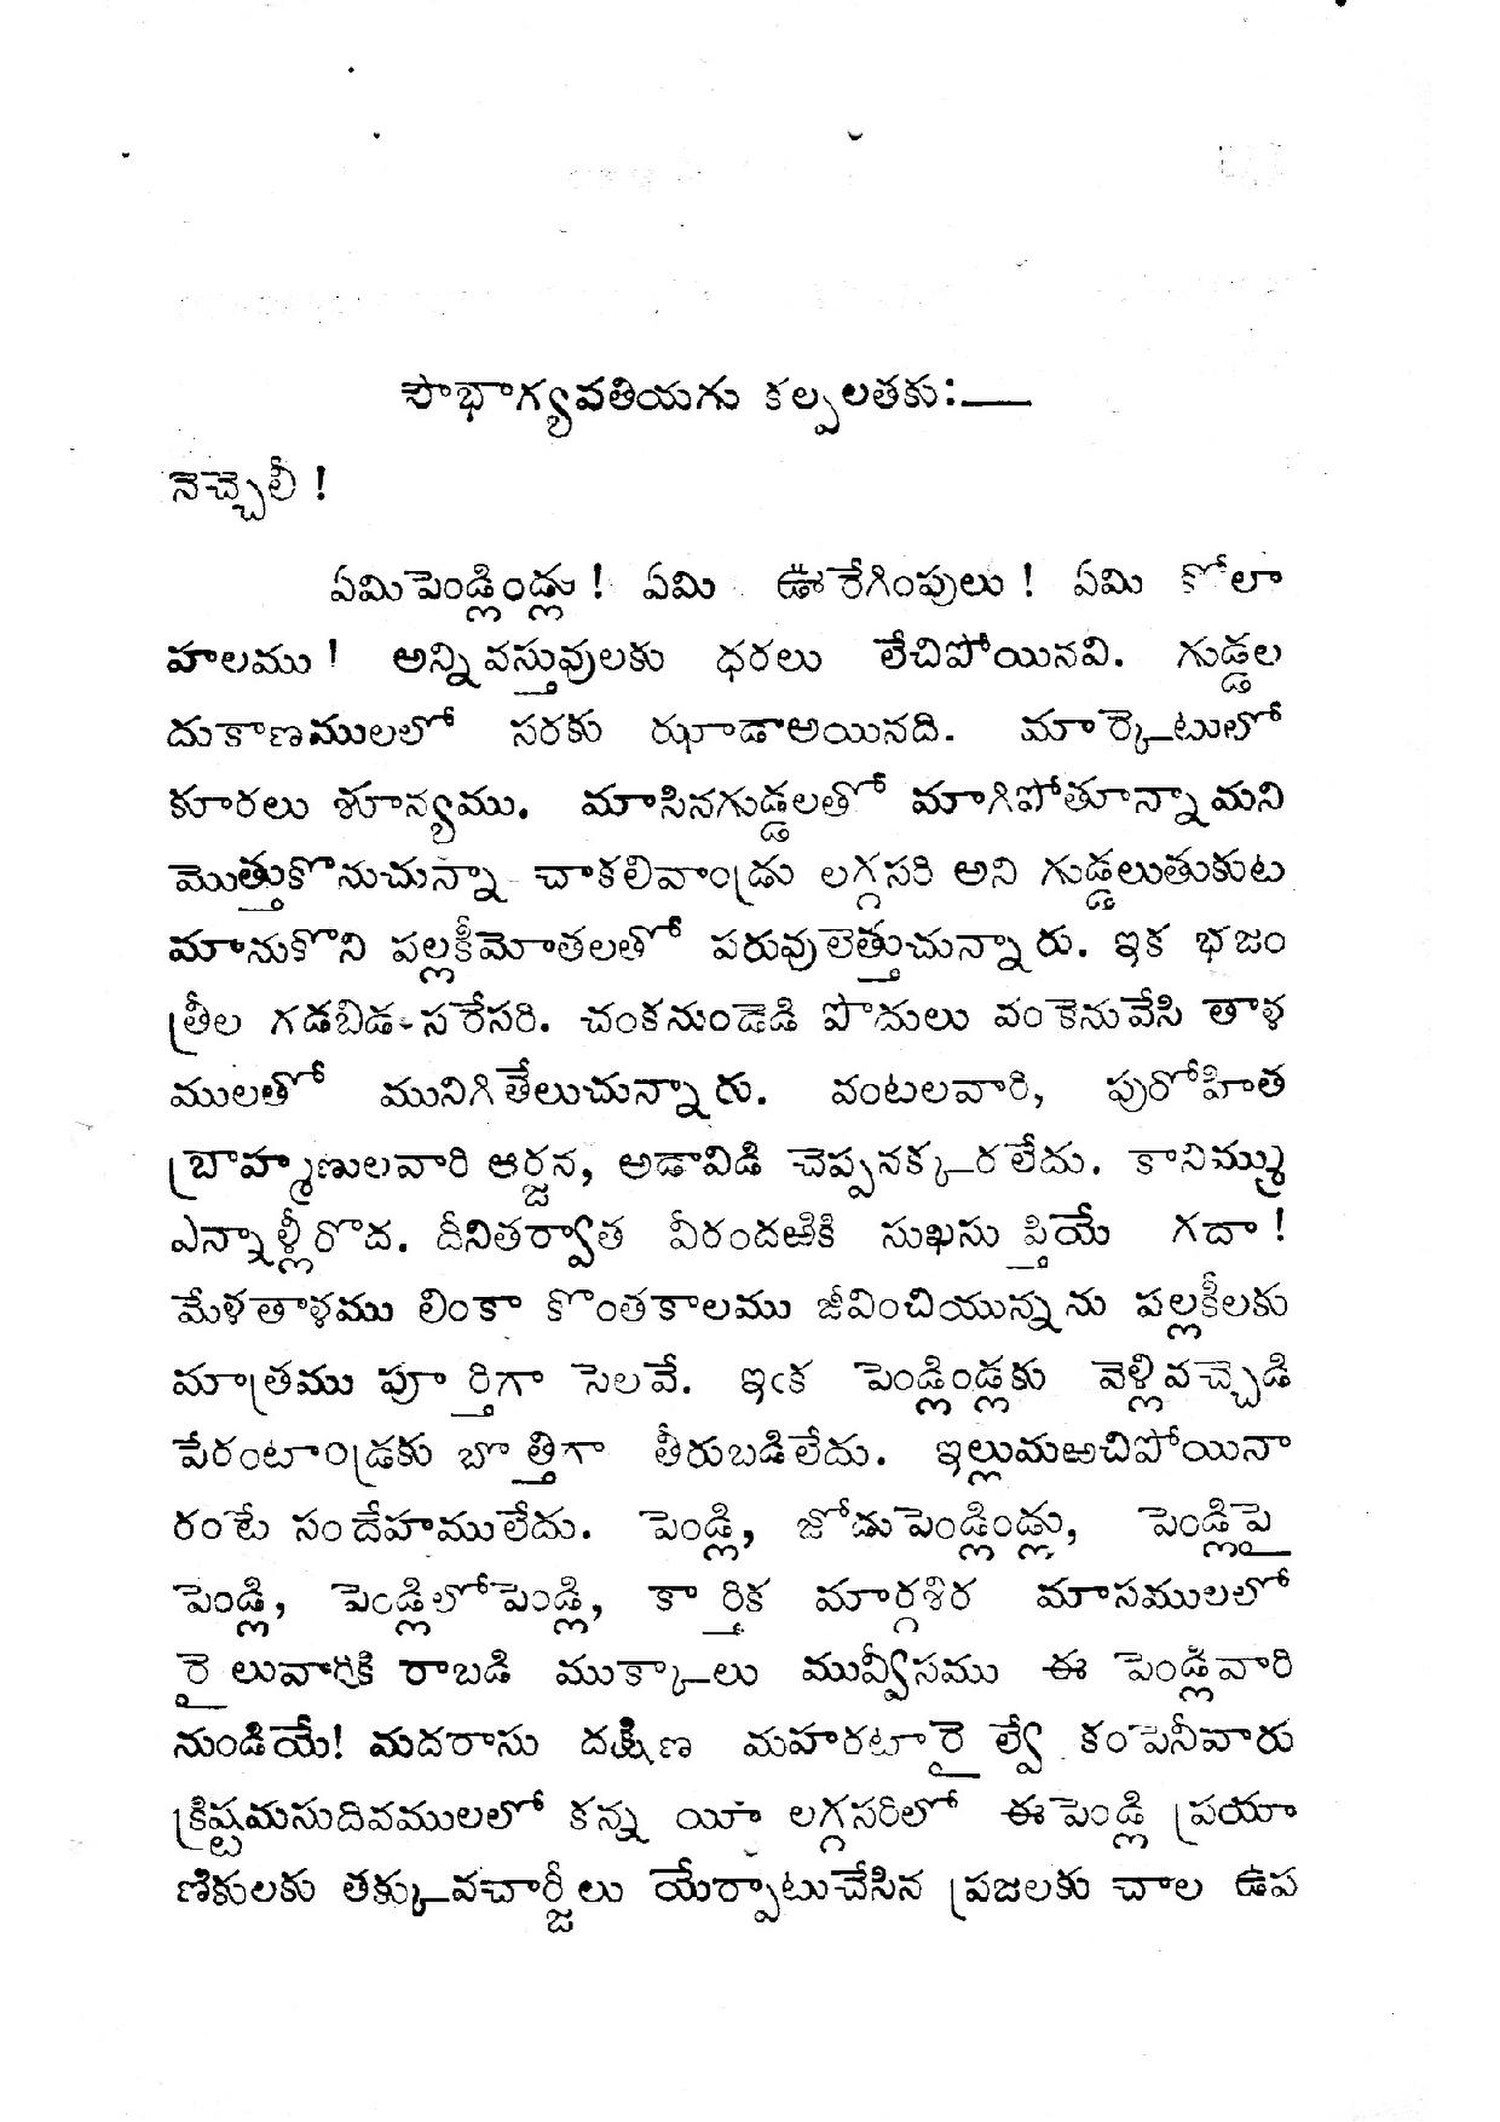నెచ్చెలీ !

ఏమిపెండ్లిండ్లు ! ఏమి ఊరేగింపులు ! ఏమి కోలాహలము ! అన్నివస్తువులకు ధరలు లేచిపోయినవి. గుడ్డల దుకాణములలో సరకు ఝాడాఅయినది. మార్కెటులో కూరలు శూన్యము. మాసినగుడ్డలతో మాగిపోతూన్నామని మొత్తుకొనుచున్నా చాకలివాండ్రు లగ్గసరి అని గుడ్డలుతుకుట మానుకొని పల్లకీమోతలతో పరువులెత్తుచున్నారు. ఇక భజంత్రీల గడబిడ సరేసరి. చంకనుండెడి పొదులు వంకెనువేసి తాళములతో మునిగితేలుచున్నారు. వంటలవారి, పురోహితబ్రాహ్మణులవారి ఆర్జన, అడావిడి చెప్పనక్కరలేదు. కానిమ్ము
ఎన్నాళ్లీరొద. దీనితర్వాత వీరందఱికి సుఖసుప్తియే గదా! మేళతాళము లింకా కొంతకాలము జీవించియున్నను పల్లకీలకు మాత్రము పూర్తిగా సెలవే. ఇఁక పెండ్లిండ్లకు వెళ్లివచ్చెడి పేరంటాండ్రకు బొత్తిగా తీరుబడిలేదు. ఇల్లుమఱచిపోయినారంటే సందేహములేదు. పెండ్లి, జోడుపెండ్లిండ్లు, పెండ్లిపైపెండ్లి, పెండ్లిలోపెండ్లి, కార్తిక మార్గశిర మాసములలో రైలువారికి రాబడి ముక్కాలు మువ్వీసము ఈ పెండ్లివారి
నుండియే! మదరాసు దక్షిణ మహరటారైల్వే కంపెనీవారు క్రిష్టమసుదినములలో కన్న యీ లగ్గసరిలో ఈపెండ్లి ప్రయాణికులకు తక్కువచార్జీలు యేర్పాటుచేసిన ప్రజలకు చాల ఉప